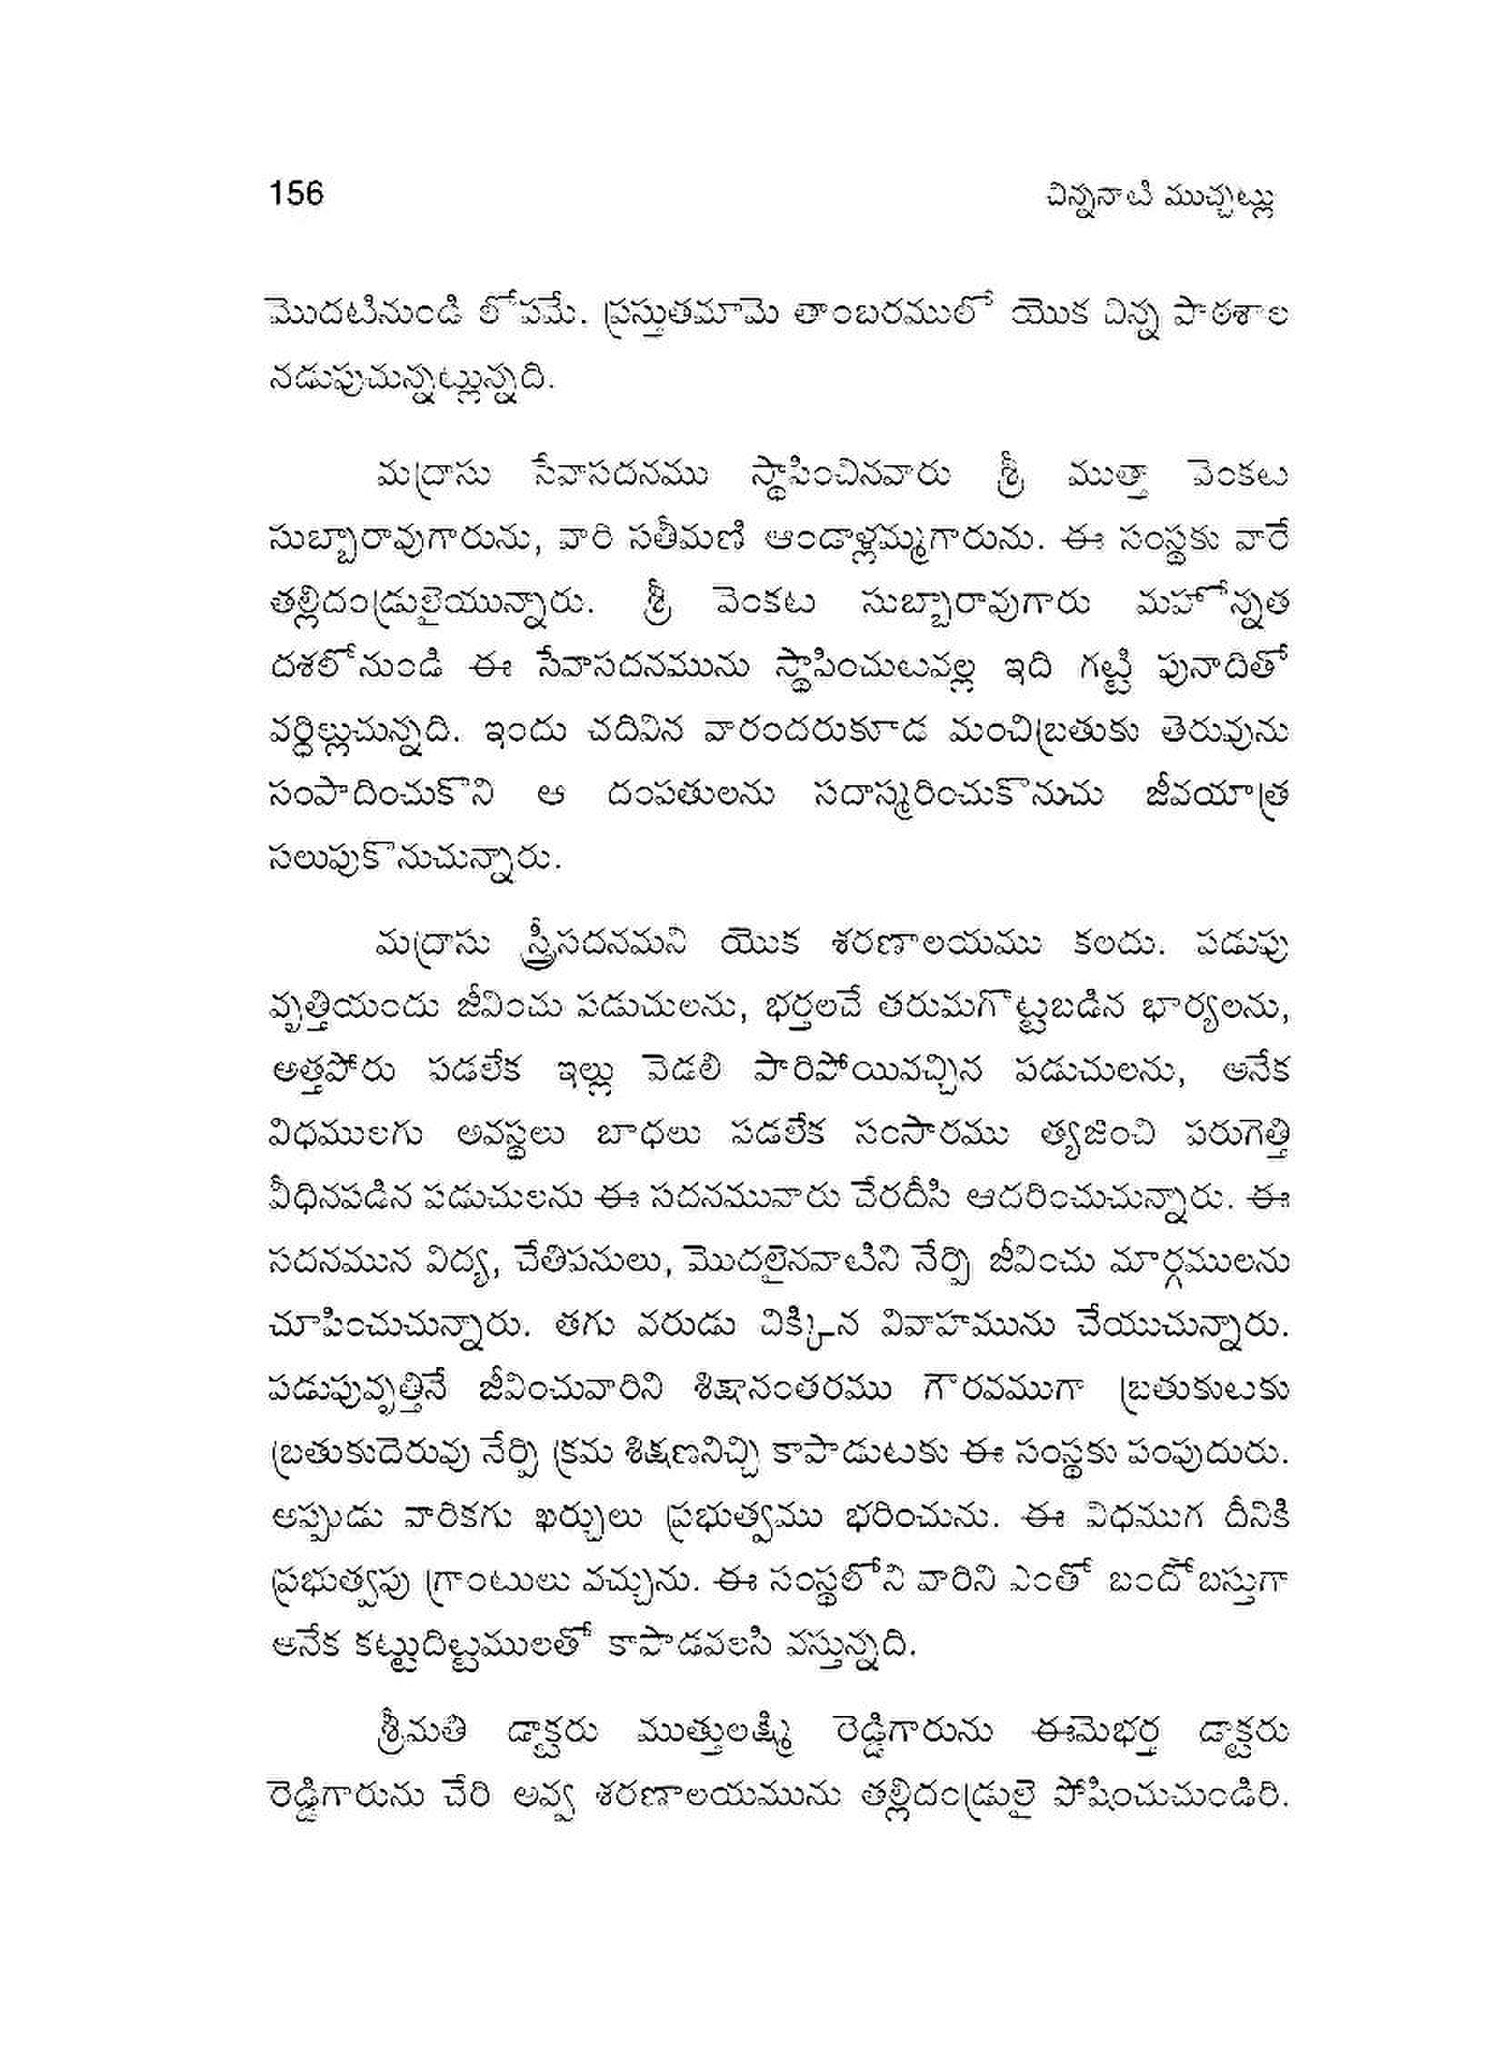మొదటినుండి లోపమే. ప్రస్తుతమామె తాంబరములో యొక చిన్న పాఠశాల నడుపుచున్నట్లున్నది.

మద్రాసు సేవాసదనము స్థాపించినవారు శ్రీ ముత్తా వెంక సుబ్బారావుగారును, వారి సతీమణి ఆండాళ్లమ్మగారును. ఈ సంస్థకు వారె తల్లిదండ్రులైయున్నారు. శ్రీ వెంకట సుబ్బారావుగారు మహోన్నత దశలోనుండి ఈ సేవాసదనమును స్థాపించుటవల్ల ఇది గట్టి పునాదితో వర్ధిల్లుచున్నది. ఇందు చదివిన వారందరుకూడ మంచిబ్రతుకు తెరువును సంపాదించుకొని ఆ దంపతులను సదాస్మరించుకొనుచు జీవయాత్ర సలుపుకొనుచున్నారు.

మద్రాసు స్త్రీసదనమని యొక శరణాలయము కలదు. పడుపు వృత్తియందు జీవించు పడుచులను, భర్తలచే తరుమగొట్టబడిన భార్యలను, అత్తపోరు పడలేక ఇల్లు వెడలి పారిపోయివచ్చిన పడుచులను, అనేక విధములగు అవస్థలు బాధలు పడలేక సంసారము త్యజించి పరుగెత్తి వీధినపడిన పడుచులను ఈ సదనము వారు చేరదీసి ఆదరించుచున్నారు. ఈ సదనమున విద్య, చేతిపనులు, మొదలైనవాటిని నేర్చి జీవించు మార్గములను చూపించుచున్నారు. తగు వరుడు చిక్కిన వివాహమును చేయుచున్నారు. పడుపువృత్తినే జీవించువారిని శిక్షానంతరము గౌరవముగా బ్రతుకుటకు బ్రతుకుదెరువు నేర్చి క్రమశిక్షణనిచ్చి కాపాడుటకు ఈ సంస్థకు పంపుదురు. అప్పడు వారికగు ఖర్చులు ప్రభుత్వము భరించును. ఈ విధముగ దీనికి ప్రభుత్వపు గ్రాంటులు వచ్చును. ఈ సంస్థలోని వారిని ఎంతో బందోబస్తుగా అనేక కట్టుదిట్టుములతో కాపాడవలసి వస్తున్నది.

శ్రీమతి డాక్టరు ముత్తులక్కీ రెడ్డిగారును ఈమెభర్త డాక్టరు రెడ్డిగారును చేరి అవ్వ శరణాలయమును తల్లిదండ్రులై పోషించుచుండిరి.